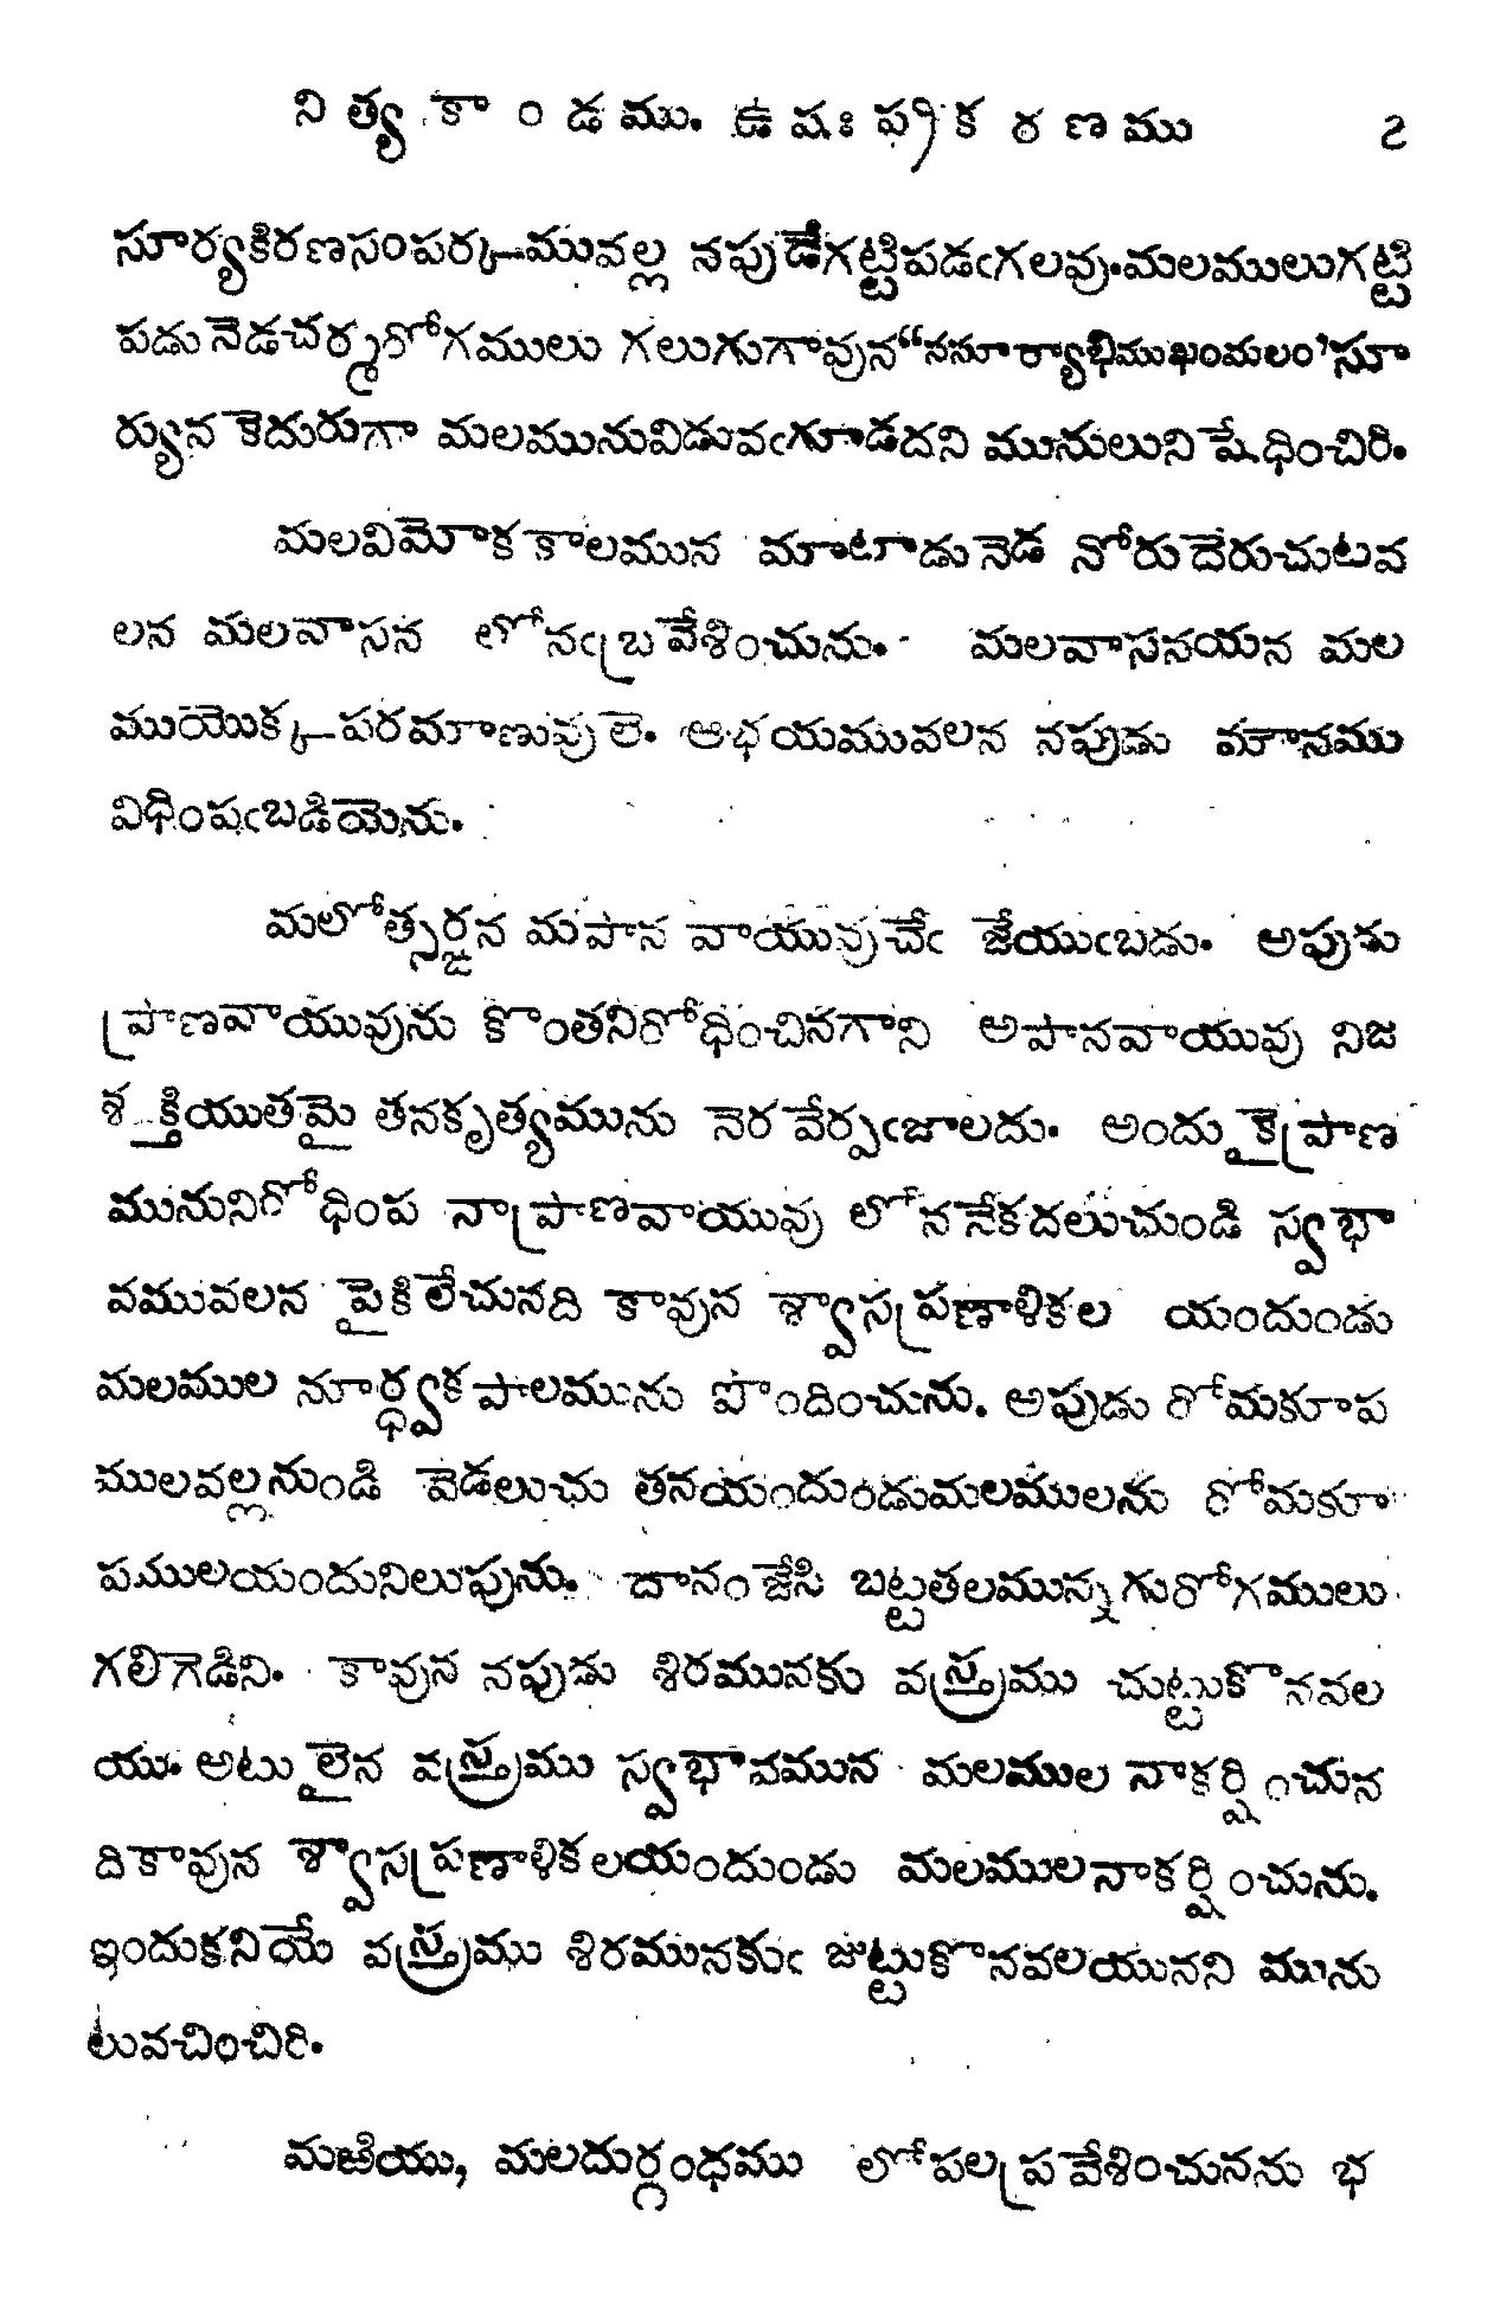సూర్యకిరణసంపర్కమువల్ల నపుడేగట్టిపడఁగలవు. మలములుగట్టిపడునెడచర్మరోగములు గలుగుగావున "ననూర్యాభిముఖంమలం"సూర్యున కెదురుగా మలమునువిడువఁగూడదని మునులునిషేధించిరి.

మలవిమోకకాలమున మాటాడునెడ నోరుదెరుచుటవలన మలవాసన లోనఁబ్రవేశించును. మలవాసనయన మలముయొక్కపరమాణువులె. అభయమువలన నపుడు మౌనము విధింపఁబడియెను.

మలోత్సర్జన మపాన వాయువుచేఁ జేయుఁబడు. అపుడు ప్రాణవాయువును కొంతనిరోధించినగాని అపానవాయువు నిజశక్తియుతమై తనకృత్యమును నెరవేర్పఁజాలదు. అందుకైప్రాణమునునిరోధింప నాప్రాణవాయువు లోననేకదలుచుండి స్వభావమువలన పైకిలేచునది కావున శ్వాసప్రణాళికల యందుండు
మలముల నూర్ధ్వకపాలమును పొందించును. అపుడు రోమకూపములవల్లనుండి వెడలుచు తనయందుండుమలములను రోమకూపములయందునిలుపును. దానంజేసి బట్టతలమున్నగురోగములు 
గలిగెడిని. కావున నపుడు శిరమునకు వస్త్రము చుట్టుకొనవలయు. అటులైన వస్త్రము స్వభావమున మలముల నాకర్షించునదికావున శ్వాసప్రణాళికలయందుండు మలములనాకర్షించును. ఇందుకనియే వస్త్రము శిరమునకుఁ జుట్టుకొనవలయునని మునులువచించిరి.

మఱియు, మలదుర్గంధము లోపలప్రవేశించునను భ